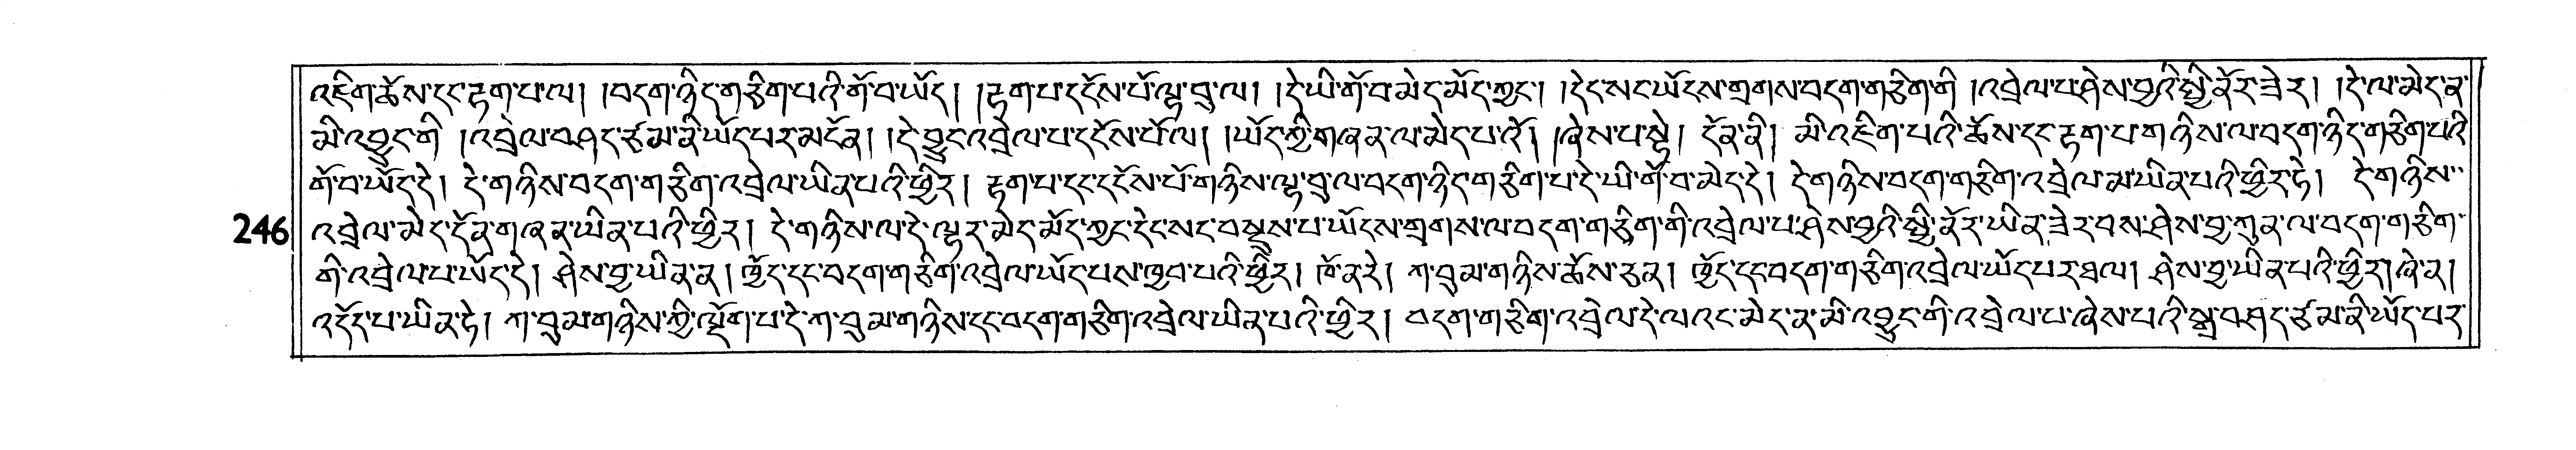འཇིག་ཆོས་དང་རྟག་པ་ལ། །བདག་ཉིད་གཅིག་པའི་གོ་བ་ཡོད། །རྟག་པ་དངོས་པོ་ལྟ་བུ་ལ། །དེ་ཡི་གོ་བ་མེད་མོད་ཀྱང་། །དེང་སང་ཡོངས་གྲགས་བདག་གཅིག་གི །འབྲེལ་པ་ཤེས་བྱའི་སྤྱི་ནོར་ཟེར། །དེ་ལ་མེད་ན་
མི་འབྱུང་གི །འབྲེལ་བཤད་ཙམ་ནི་ཡོད་པར་མངོན། །དེ་བྱུང་འབྲེལ་པ་དངོས་པོ་ལ། །ཡོད་ཀྱི་གཞན་ལ་མེད་པའོ། །ཞེས་པ་སྟེ། དོན་ནི། མི་འཇིག་པའི་ཆོས་དང་རྟག་པ་གཉིས་ལ་བདག་ཉིད་གཅིག་པའི་
གོ་བ་ཡོད་དེ། དེ་གཉིས་བདག་གཅིག་འབྲེལ་ཡིན་པའི་ཕྱིར། རྟག་པ་དང་དངོས་པོ་གཉིས་ལྟ་བུ་ལ་བདག་ཉིད་གཅིག་པ་དེ་ཡི་གོ་བ་མེད་དེ། དེ་གཉིས་བདག་གཅིག་འབྲེལ་མ་ཡིན་པའི་ཕྱིར་ཏེ། དེ་གཉིས་
འབྲེལ་མེད་དོན་གཞན་ཡིན་པའི་ཕྱིར། དེ་གཉིས་ལ་དེ་ལྟར་མེད་མོད་ཀྱང་དེང་སང་བསྡུས་པ་ཡོངས་གྲགས་ལ་བདག་གཅིག་གི་འབྲེལ་པ་ཤེས་བྱའི་སྤྱི་ནོར་ཡིན་ཟེར་བས་ཤེས་བྱ་ཀུན་ལ་བདག་གཅིག་
གི་འབྲེལ་པ་ཡོད་དེ། ཤེས་བྱ་ཡིན་ན། ཁྱོད་དང་བདག་གཅིག་འབྲེལ་ཡོད་པས་ཁྱབ་པའི་ཕྱིར། ཁོ་ན་རེ། ཀ་བུམ་གཉིས་ཆོས་ཅན། ཁྱོད་དང་བདག་གཅིག་འབྲེལ་ཡོད་པར་ཐལ། ཤེས་བྱ་ཡིན་པའི་ཕྱིར། ཞེ་ན།
འདོད་པ་ཡིན་ཏེ། ཀ་བུམ་གཉིས་ཀྱི་ལྡོག་པ་དེ་ཀ་བུམ་གཉིས་དང་བདག་གཅིག་འབྲེལ་ཡིན་པའི་ཕྱིར། བདག་གཅིག་འབྲེལ་དེ་ལའང་མེད་ན་མི་འབྱུང་གི་འབྲེལ་པ་ཞེས་པའི་སྒྲ་བཤད་ཙམ་ནི་ཡོད་པར་